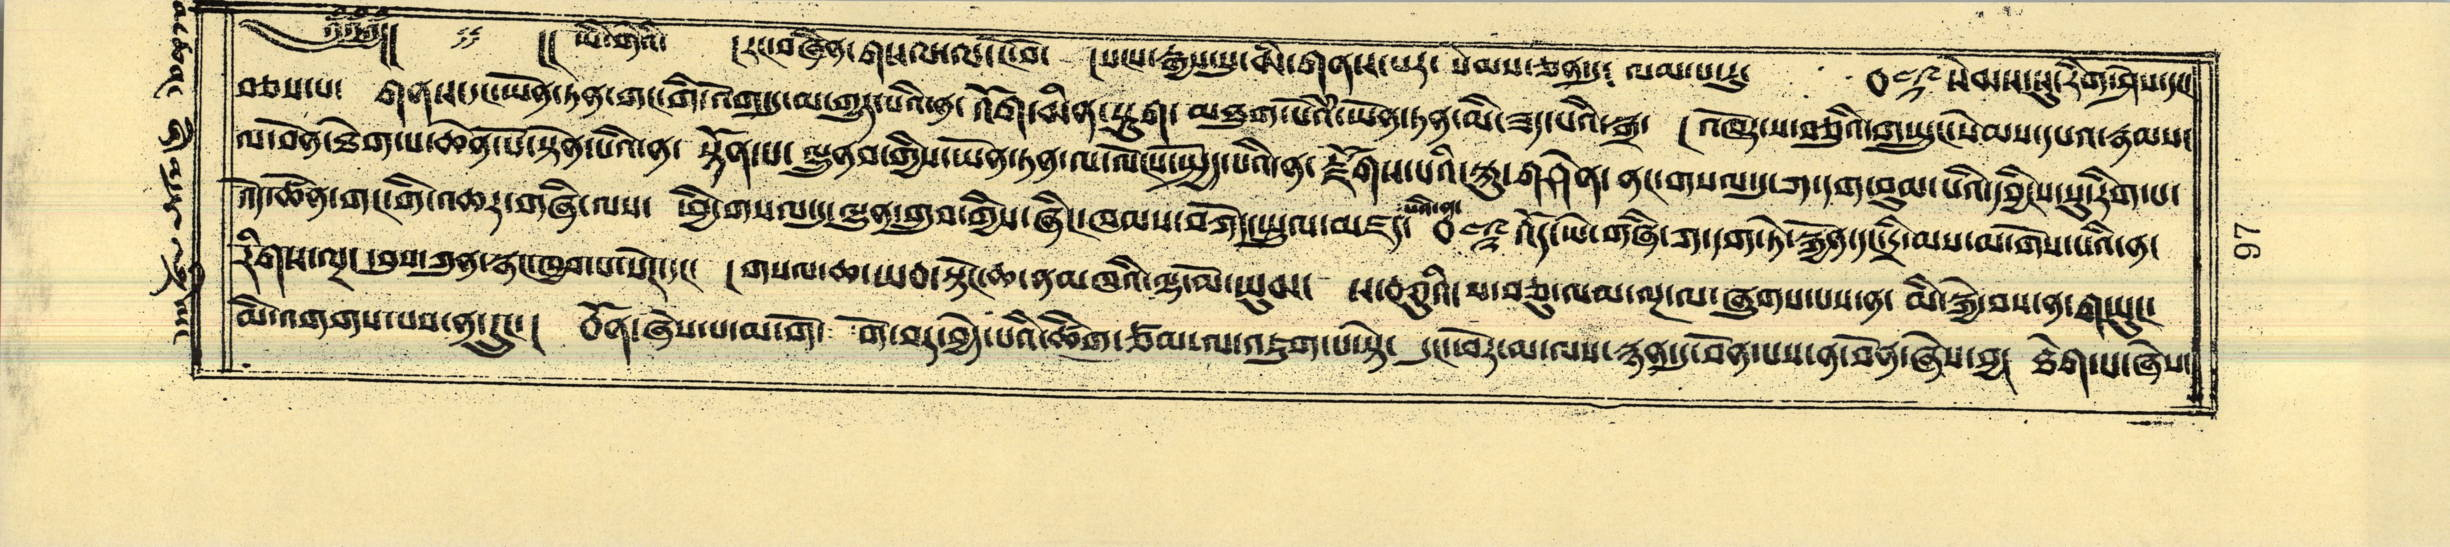ཡི་གེའི་རང་བཞིན་༼གསལ་ལ༽ངོ་བོ་སངས་རྒྱས་སུ་༼མི་གནས༽པར་སེམས་ཅན་དུ་ལམ་པ་རུ་བ༤༩།༡ སེམས་སུ་རིག་ཤེས་དང་
བཅས་པ་༼གནས༽དང་ཡོན་ཏན་གང་གི་འོག་ཏུ་མ་གྱུར་པས་ན་༼འོག་མིན་སྟུག༽མཐུག་པོའི་ཡོན་ཏན་མི་བཟད་པའི་སྒྲ་འཁོར་ས་བཅུའི་གཡུང་དྲུང་སེམས་དཔའ་རྣམས་
ལ་བོན་ཐེག་པ་ཆེན་པོ་སྟོན་པས་ན་༼སྟོན་པ༽ལྷུན་གྲུབ་ཀྱི་ཡོན་ཏན་ལ་ལོངས་སྤྱོད་པས་ན་༼རྫོགས་པའི་སྐུ་གཤེན༽ནང་གསལ་དུ་ཀ་དག་བུམ་པའི་དབྱིངས་སུ་རིག་པ་
འོད་ཚོན་གང་གི་འཆར་གཞི་ལས་ཕྱི་གསལ་དུ་ལྷུན་གྲུབ་ཀྱི་ཞིང་ཁམས་བཀོད་སྤྲུལ་མཛད་པའི་ན། བ༤༩།༢༼འོད༽ཡེ་གཞི་ཀ་དག་སྟེ་སྐྱོན་དང་དྲི་མས་མ་གོས་པས་ན་
༼རིགས་ལྔ༽དབུས་ཀུན་སྣང་ཁྱབ་པ་སོགས་དང་གསལ་ཆ་༼ཡབ༽སྟོང་ཆ་ནམ་མཁའི་ལྷ་མོ་༼ཡུམ༽ས་བཅུའི་ས་བཅུ་ལམ་ལྔ་ལ་ཞུགས་པས་ན་མི་སྐྱེ་བས་ན་གཡུང་
མི་འགག་པས་ན་དྲུང་ ༼བོན༽ཞེས་པ་མ་གོ་གོ་བར་བྱེད་པའི་ཚིག་ཙམ་ལ་འཇུག་པ་སྟེ་དུང་ཕོར་མ་ལས། སྙན་དུ་བོན་པས་བོན་ཞེས་བྱ། ཐེག་98) པ་ཞེས་